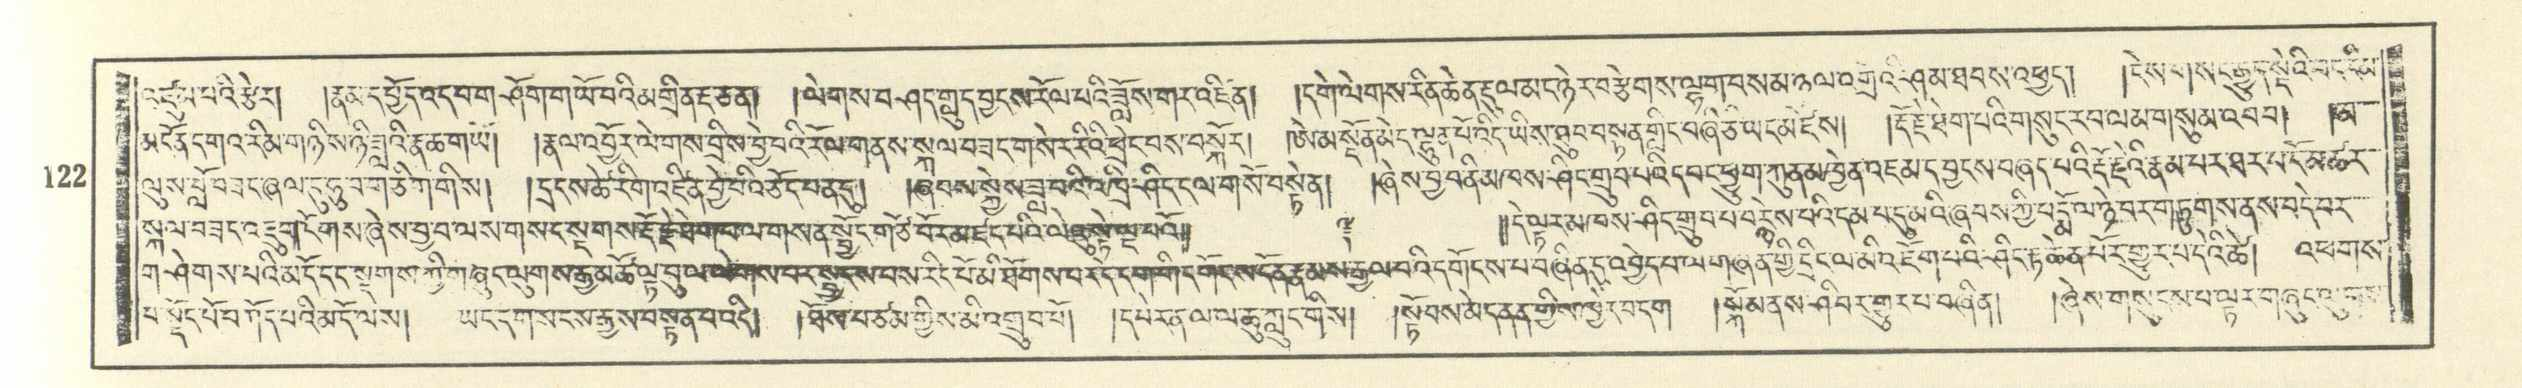འཛུམ་པའི་རྩེར། །རྣམ་དཔྱོད་འདབ་གཤོག་གཡོ་བའི་མགྲིན་རྔ་ཅན། །ལེགས་བཤད་གླུ་དབྱངས་རོལ་པའི་ཟློས་གར་འཛིན། །དགེ་ལེགས་རིན་ཆེན་རྡུལ་མང་ཉེར་བརྩེགས་ལྷག་བསམ་ཉལ་འགྲོའི་ཤ་མ་ཐབས་འཕྱད། །ངེས་གསང་རྒྱུད་སྡེའི་བང་རིམ་
མངོན་དགའ་རིམ་གཉིས་ཉི་ཟླའི་རྣ་ཆ་གཡོ། །རྣལ་འབྱོར་ལེགས་བྲིས་བྱེ་བའི་རོལ་གནས་སྐལ་བཟང་གསེར་རིའི་ཕྲེང་བས་བསྐོར། །ཨེ་མ་སྔོན་མེད་ལྷུན་པོ་འདི་ཡིས་ཐུབ་བསྟན་གླིང་བཞི་ཅི་ཡང་མཛེས། །རྡོ་རྗེ་ཐེག་པའི་གསུང་རབ་ལམ་གསུམ་འབབ། །མ་
ལུས་བློ་བཟང་ཞལ་དུ་ཧུབ་གཅིག་གིས། །དྲངས་ཚེ་རིག་འཛིན་བྱེ་བའི་ཅོད་པན་དུ། །ཞབས་སྐྱེས་ཟླ་བའི་འཁྲི་ཤིང་དལ་གསོ་བསྟེན། །ཞེས་བྱ་བ་ནི་མཁས་ཤིང་གྲུབ་པའི་དབང་ཕྱུག་ཀུན་མཁྱེན་འཇམ་དབྱངས་བཞད་པའི་རྡོ་རྗེའི་རྣམ་པར་ཐར་པ་ངོ་མཚར་
སྐལ་བཟང་འཇུག་དོགས་ཞེས་བྱ་བ་ལས་གསང་སྔགས་རྡོ་རྗེ་ཐེག་པ་ལ་གསན་སྦྱོད་གཙོ་བོར་མཛད་པའི་ལེའུ་སྟེ་ལྔ་བའོ།། ༈ །།དེ་ལྟར་མཁས་ཤིང་གྲུབ་པ་བརྙེས་པའི་དམ་པ་དུ་མའི་ཞབས་ཀྱི་པདམོ་ལ་ཉེ་བར་གཏུགས་ནས་བདེ་བར་
གཤེགས་པའི་མདོ་དང་སྔགས་ཀྱི་གཞུང་ལུགས་རྒྱ་མཚོ་ལྟ་བུ་ལ་ལེགས་པར་སྦྱངས་པས་རིང་པོ་མི་ཐོགས་པར་དེ་དག་གི་དགོངས་དོན་རྣམས་རྒྱལ་བའི་དགོངས་པ་བཞིན་དུ་འབྱེད་པ་ལ་གཞན་གྱི་དྲིང་ལ་མི་འཇོག་པའི་ཤིང་རྟ་ཆེན་པོར་གྱུར་བ་དེའི་ཚེ། འཕགས་
པ་སྡོང་པོ་བཀོད་པའི་མདོ་ལས། ཡང་དག་སངས་རྒྱས་བསྟན་པ་འདི། །ཐོས་པ་ཙམ་གྱིས་མི་འགྲུབ་པོ། །དཔེར་ན་ལ་ལ་ཆུ་ཀླུང་གིས། །སྟོབས་མེད་ནན་གྱིས་ཁྱེར་བདག །སྐོམ་ནས་ཤི་བར་གྱུར་པ་བཞིན། །ཞེས་གསུངས་པ་ལྟར་གཞུང་ལུགས་